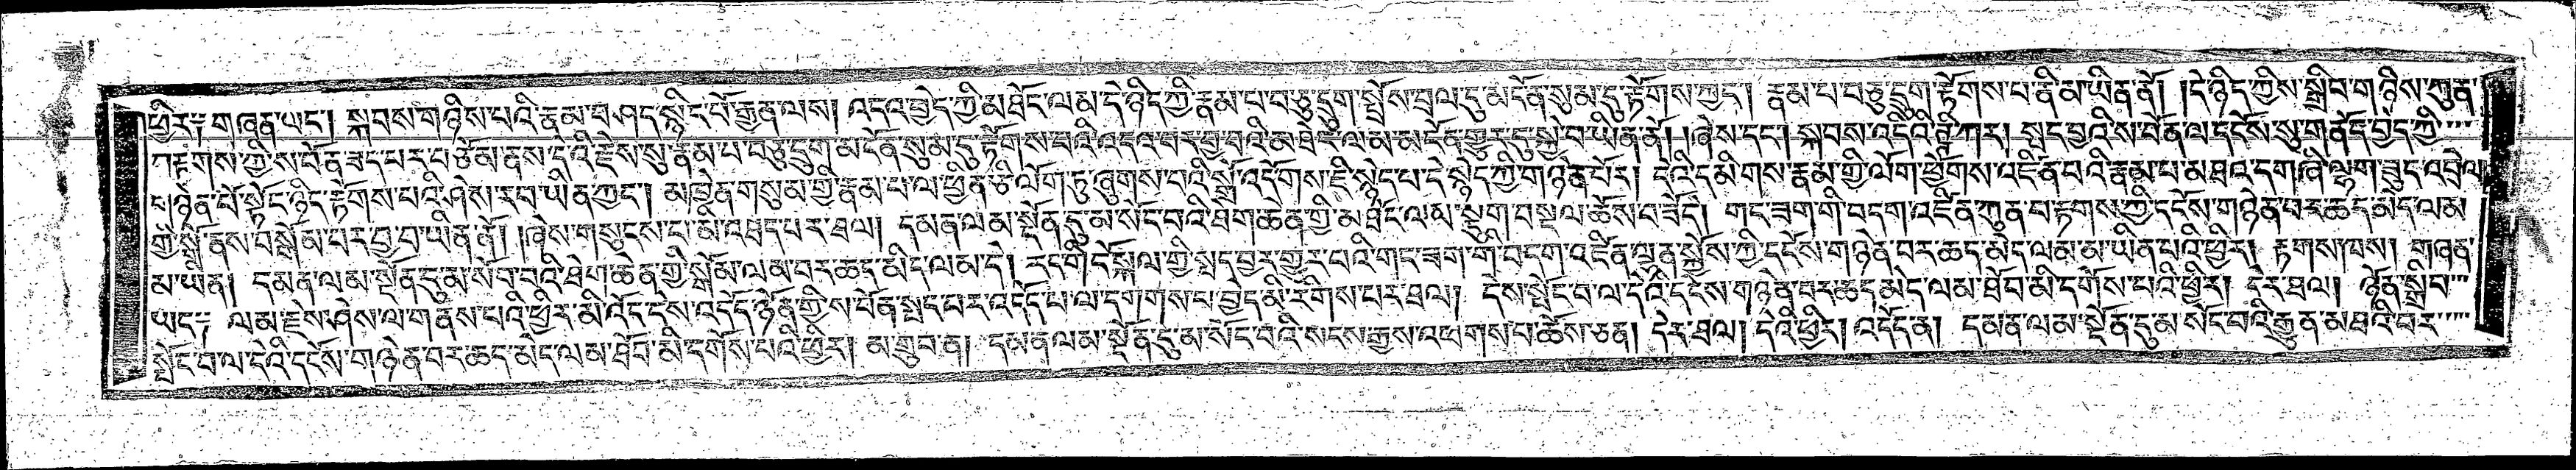ཕྱིར༑ གཞན་ཡང་། སྐབས་གཉིས་པའི་རྣམ་བཤད་སྙིང་པོ་རྒྱན་ལས། འདའ་བྱེད་ཀྱི་མཐོང་ལམ་དེ་ཉིད་ཀྱི་རྣམ་པ་བཅུ་དྲུག་སྤྲོས་བྲལ་དུ་མངོན་སུམ་དུ་རྟོགས་ཀྱང་། རྣམ་པ་བཅུ་དྲུག་རྟོགས་པ་ནི་མ་ཡིན་ནོ། །དེ་ཉིད་ཀྱིས་སྒྲིབ་གཉིས་ཀུན་
བརྟགས་ཀྱི་ས་བོན་ཟད་པར་བཅོམ་ནས་དེའི་རྗེས་སུ་རྣམ་པ་བཅུ་དྲུག་མངོན་སུམ་དུ་རྟོགས་པའི་འདའ་བར་བྱ་བའི་མཐོང་ལམ་མངོན་གྱུར་དུ་སྐྱེ་བ་ཡིན་ནོ། །ཞེས་དང་། སྐབས་འདིའི་ཊྚི་ཀར། སྤང་བྱའི་ས་བོན་ལ་དངོས་སུ་གནོད་བྱེད་ཀྱི་
གཉེན་པོ་སྟོང་ཉིད་རྟོགས་པའི་ཤེས་རབ་ཡིན་ཀྱང་། མཁྱེན་གསུམ་གྱི་རྣམ་པ་ལ་ཕྱིན་ཅི་ལོག་ཏུ་ཞུགས་པའི་སྒྲོ་འདོགས་ཇི་སྙེད་པ་དེ་སྙེད་ཀྱི་གཉེན་པོར། དེའི་དམིགས་རྣམ་གྱི་ལོག་ཕྱོགས་འཛིན་པའི་རྣམ་པ་མཐའ་དག་ཞི་ལྷག་ཟུང་འབྲེལ།
གྱི་སྒོ་ནས་བསྒོམ་པར་བྱ་བ་ཡིན་ནོ། །ཞེས་གསུངས་པ་མི་འཐད་པར་ཐལ། དམན་ལམ་སྔོན་དུ་མ་སོང་བའི་ཐེག་ཆེན་གྱི་མཐོང་ལམ་སྡུག་བསྔལ་ཆོས་བཟོད། གང་ཟག་གི་བདག་འཛིན་ཀུན་བརྟགས་ཀྱི་དངོས་གཉེན་པར་ཆད་མེད་ལམ་
མ་ཡིན། དམན་ལམ་སྔོན་དུ་མ་སོང་བའི་ཐེག་ཆེན་གྱི་སྒོམ་ལམ་བར་ཆད་མེད་ལམ་དེ། རང་གི་ངོ་སྐལ་གྱི་སྤང་བྱར་གྱུར་བའི་གང་ཟག་གི་བདག་འཛིན་ལྷན་སྐྱེས་ཀྱི་དངོས་གཉེན་བར་ཆད་མེད་ལམ་མ་ཡིན་པའི་ཕྱིར། རྟགས་ཁས། གཞན་
ཡང༑ ལམ་རྗེས་ཤེས་ལ་གནས་པའི་ཕྱིར། མི་འོང་དེས་འདོད་ཉོན་གྱི་ས་བོན་སྤང་བར་འདོད་པ་ལ་དགག་པ་བྱེད་མི་རིགས་པར་ཐལ། དེས་སྤོང་བ་ལ་དེའི་དངེས་གཉེན་བར་ཆད་མེད་ལམ་ཐོབ་མི་དགོས་པའི་ཕྱིར། དེར་ཐལ། ཉོན་སྒྲིབ་
སྤོང་བ་ལ་དེའི་དངོས་གཉེན་བར་ཆད་མེད་ལམ་ཐོབ་མི་དགོས་པའི་ཕྱིར། མ་གྲུབ་ན། དམན་ལམ་སྔོན་དུ་མ་སོང་བའི་སངས་རྒྱས་འཕགས་པ་ཆོས་ཅན། དེར་ཐལ། དེར་ཐལ། དེའི་ཕྱིར། འདོད་ན། དམན་ལམ་སྔོན་དུ་མ་སོང་བའི་རྒྱུན་མཐའི་བར་